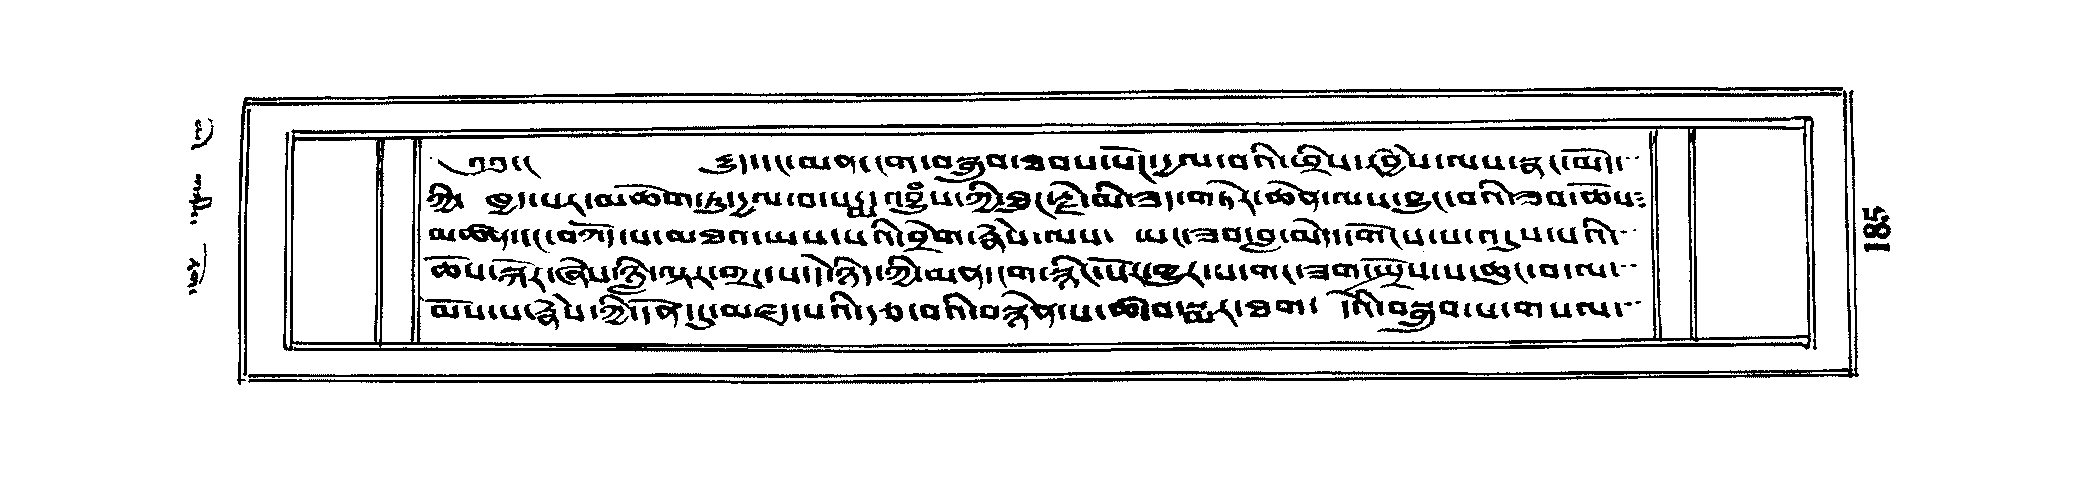རྒྱུད་དང་མན་ངག་བསྒྲུབ་ཐབས་སོགས་རྒྱལ་བའི་ཕྲིན་ལས་རབ་འབྱམས་ལས་སྣང་མོད་
ཀྱི། ཁྱད་པར་མཆོག་ཏུ་རྒྱལ་བ་པདྨ་འབྱུང་གནས་ཀྱི་ཐུགས་རྗེ་མི་ཟད་གཏེར་ཆེན་ལས་བྱུང་བའི་ཟབ་ཆོས་
མཚན་དང་བཀོད་པ་མཐའ་ཡས་པའི་བྲེག་རྣམས་ལས། ཡང་ཟབ་བླ་མེད་དགོངས་པ་འདུས་པའི་
ཆོས་སྐོར་ཞེས་ཉི་ཟླ་ལྟར་གྲང་པ་དེ་ནིད་མན་དག་སྙིང་པོར་གྱུར་པ་གང་ཟག་སྤྲོས་པ་ཆུང་བ་ལ་
མོས་པ་རྣམས་ཀྱི་དོན་དུ་མཛད་པའི་རྩ་བའི་བསྙེན་པ་ཆ་བ་སྨར་ཐག དེའི་བསྒྲུབ་པ་གསལ་